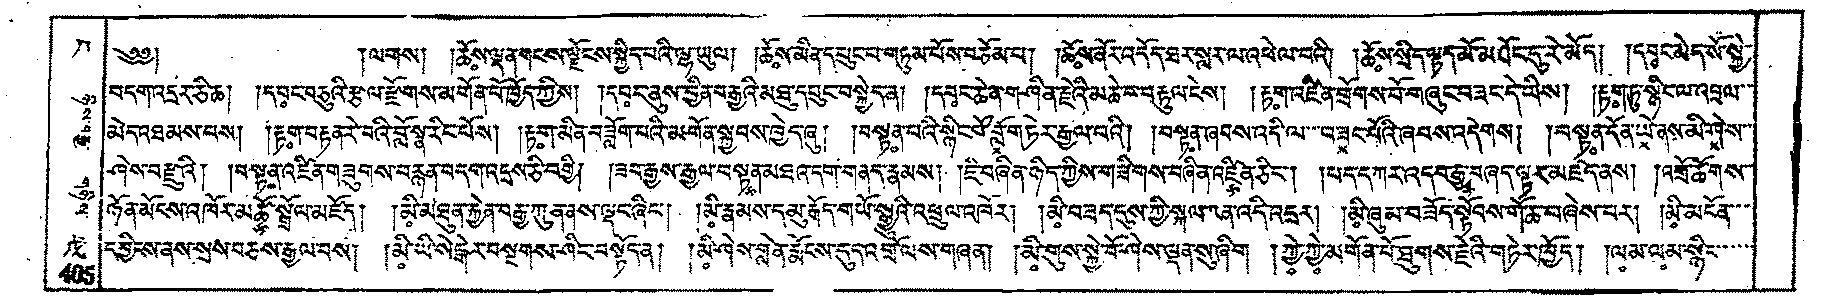༄༅། །ལགས། །ཆོས་ལྡན་གངས་ལྗོངས་སྐྱིད་པའི་ལྷ་ཡུལ། །ཆོས་མིན་དཔུང་པ་གཏུམ་པོས་བཅོམ་པ། །ཆོས་ནོར་འདོད་ཐར་སླར་ལ་འཕེལ་བའི། །ཆོས་སྲིད་ལྟད་མོ་མཐོང་དུ་རེ་མོད། །དབང་མེད་སོ་སྐྱེ་
བདག་འདྲར་ཅི་ཆ། །དབང་བཅུའི་རྩལ་རྫོགས་མགོན་པོ་ཁྱོད་ཀྱིས། །དབང་ནུས་བྱིན་བརྒྱའི་མཐུ་དཔུང་བསྐྱེད་ན། །དབང་ཆེན་གཤིན་རྗེའི་མཆེ་བ་བརྟུལ་ངེས། །རྟག་འཛིན་གྲོགས་པོ་གཞུང་བཟང་དེ་ཡིས། །རྟག་ཏུ་སྙིང་ལ་འབྲལ་
མེད་འཐམས་པས། །རྟག་བརྟན་རེ་བའི་བློ་སྣ་རིང་པོས། །རྟག་མིན་བཟློག་པའི་མགོན་སྐྱབས་ཁྱེད་ཞུ། །བསྟན་པའི་སྙིང་པོ་བློ྾་གཏེར་རྒྱལ་བའི། །བསྟན་ཞབས་འདི་ལ་བཟང྾་པོའི་ཞབས་འདེགས། །བསྟན་དོན་ཡེ྾་ནས་མི་ཤེས྾་
ཤེས་བརྫུའི། །བསྟན་འཛིན་གཟུགས་བརྙན་བདག་འདྲས་ཅི་བགྱི། །ཟབ་རྒྱས་རྒྱལ་བསྟན྾་མཐའ་དག་གནད་རྣམས། །ཇི་བཞིན་ཉིད་ཀྱིས་གཟིགས་བཞིན་འཛིན྾་ཅིང་། །པད་དཀར་འདབ་རྒྱ྾་བཞད་ལྟར་མཛད་ནས། །འགྲོ་ཚོགས་
ཉོན་མོངས་འཁོར་མཚོ྾་སྒྲོལ་མཛོད། །མི་མཐུན་རྐྱེན་བརྒྱ་ཀུན་ནས་ལྡང་ཞིང་། །མི་རྣམས་དམུ་རྒོད་གཡོ་སྒྱུའི་འཕྲུལ་འཁོར། །མི་བཟད་དུས་ཀྱི་སྐལ་ངན་འདི་འདྲར། །མི་ཞུམ་བཟོད་སྟོབས་གོ་ཆ་བཞེས་པར། །མི་མངོན་
དབྱིངས་ནས་སྲས་བཅས་རྒྱལ་བས། །མི་ཡི་སེངྒེར་བསྔགས་ཤིང་བསྟོད་ན། །མི་ཤེས་གླེན་རྨོངས་དུད་འགྲོ་ལས་གཞན། །མི་གུས་སྐྱེ་བོ་ཤེས་ལྡན་སུ་ཞིག །ཀྱེ་ཀྱེ་མགོན་པོ་ཐུགས་རྗེའི་གཏེར་ཁྱོད། །ལམ་ལམ་སྙིང་